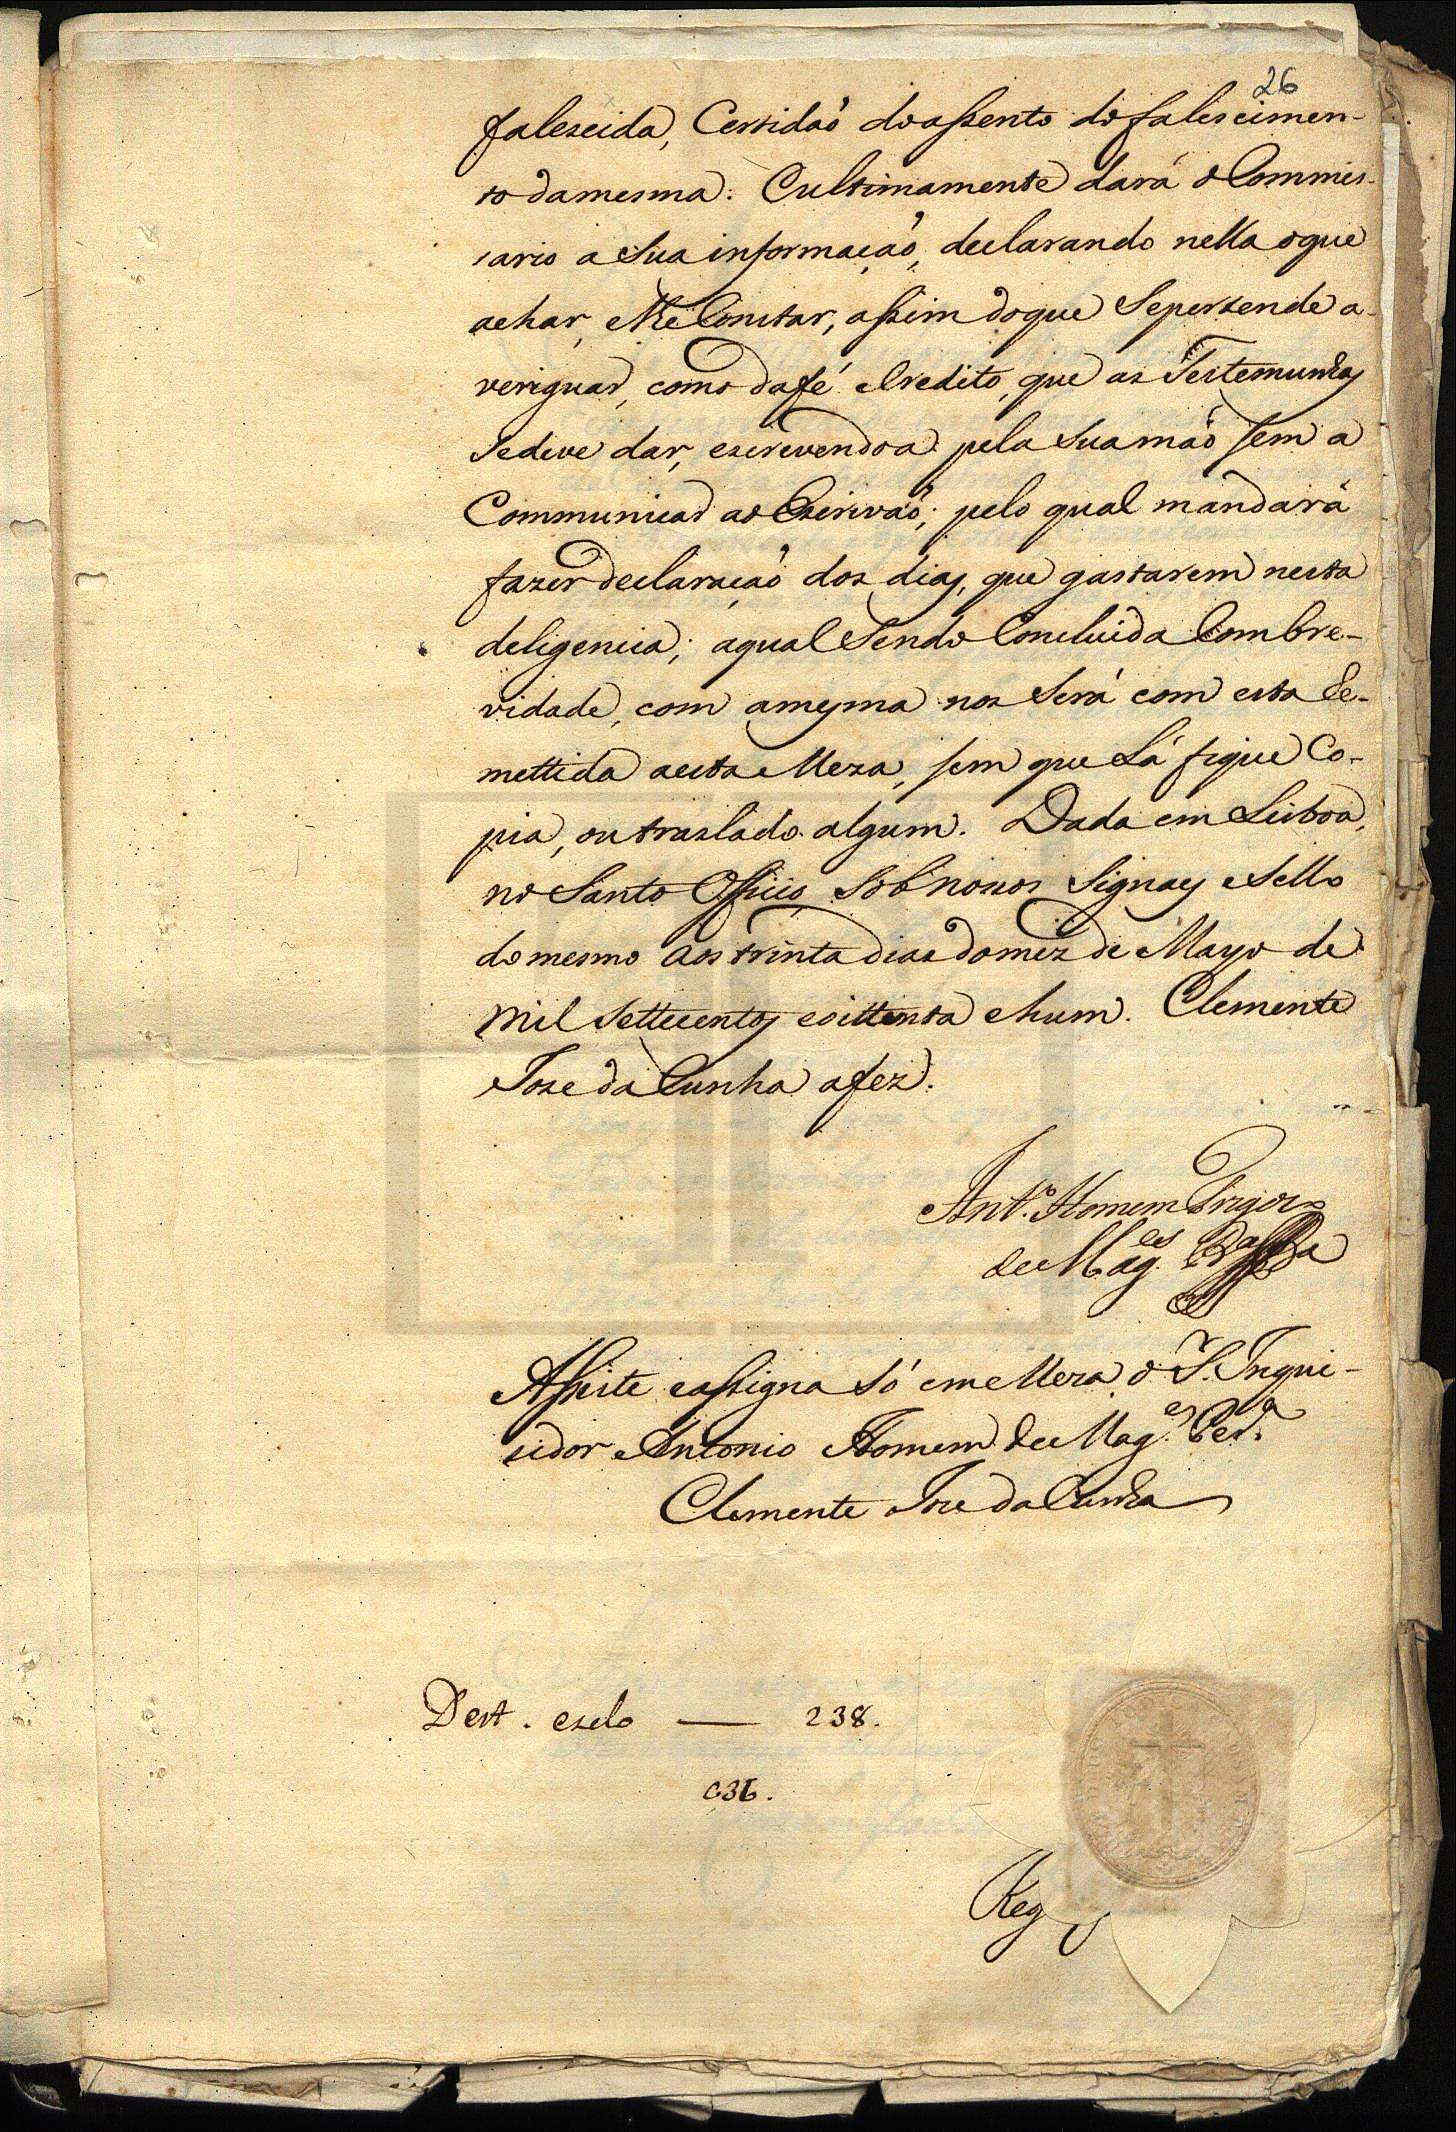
falescida Certidaõ do assento do falescimen
to da mesma: E ultimamente dará o Commis
sario a sua informação, declarando nella o que
achar, e lhe Constar, assim do que se pertende a
veriguar como da fé e Credito, que az Testemunhas
se deve dar, escrevendoa pela sua maõ sem a
Communicar ao Escrivaõ; pelo qual mandará
fazer declaraçaõ dos dias, que gastarem nesta
deligencia; a qual sendo Concluida Com bre
vidade, com a mesma noz Será com esta Re
mettida a esta Meza, sem que Lá fique Co
pia, ou traslado algum. Dada em Lisboa,
no Santo Officio, sob nossos Signaes e sello
do mesmo aos trinta dias do mez de Mayo de
mil settecentos e oittenta, e hum. Clemente
Ioze da Cunha a fez.
Ant.o Homem Fragozo
de Mag.es Pr.a
Asseite e assigna só em Meza o S.r Inqui
zidor Antonio Homem de Mag.es Per.a
Clemente Ioze da Cunha
Dest. e selo ‒ 238.
C36.
